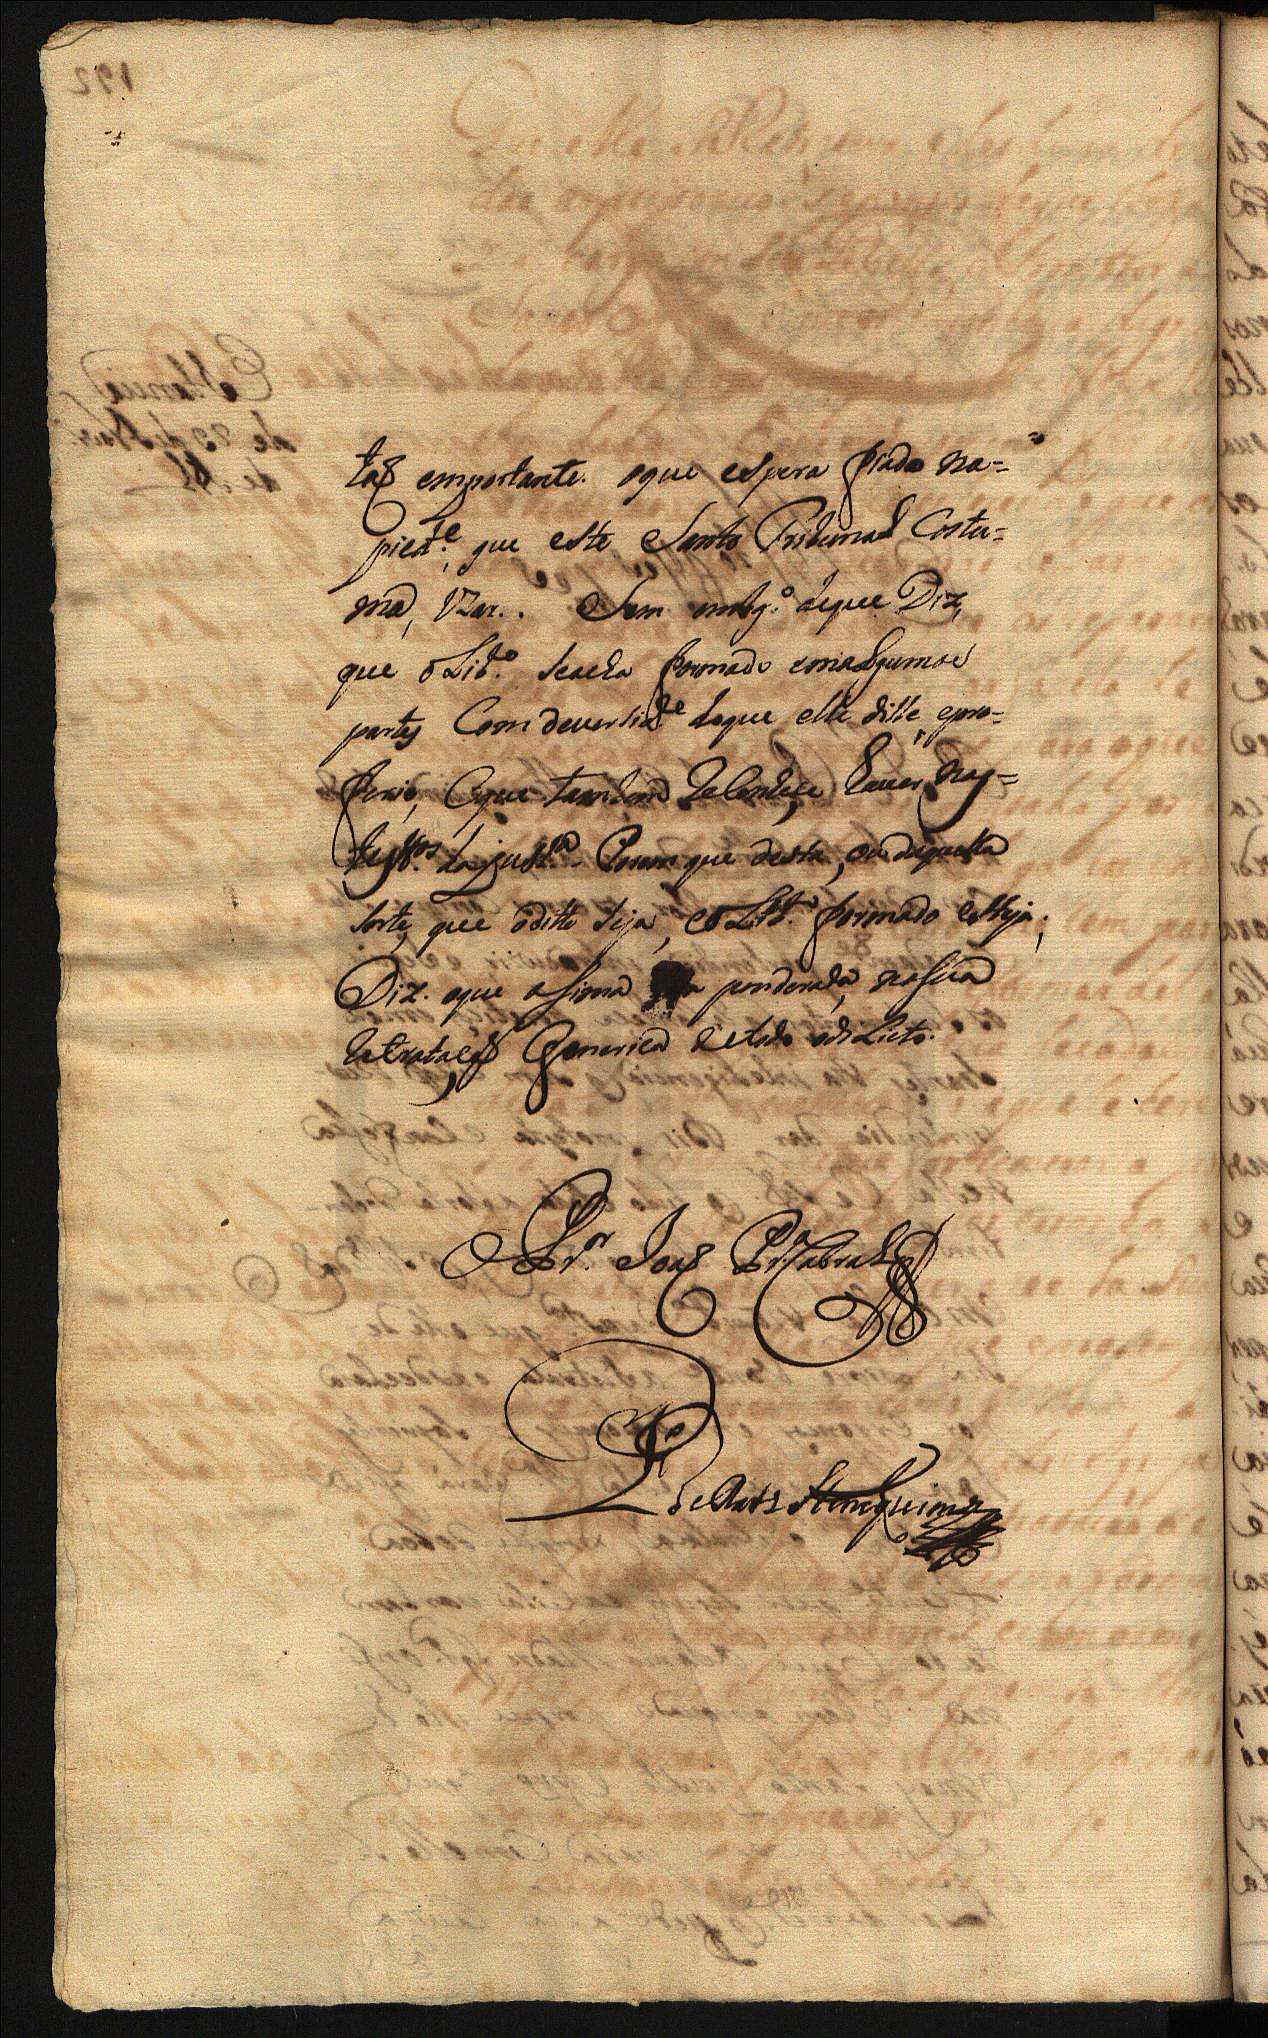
taõ importante. o que espera fiado na
pied̄.e que este Santo Tribunal Costu
ma, vzar. Sem embg.o de que Diz,
que o Lib.o se acha formado em algumas
partes Com deversid.e do que elle disse, e pro
ferio, O que tambem Reconhece hauer nas
test.as da just.a. Porem que desta, ou daquella
sorte, que o ditto seja, e o Lib̄.o formado esteja;
Diz. o que asima _ ponderada, na sua
Retrataçaõ Generica de todo o diLicto.
O Pr.or Ioaõ Pr.a Cabral
Po de Rates Henequim
